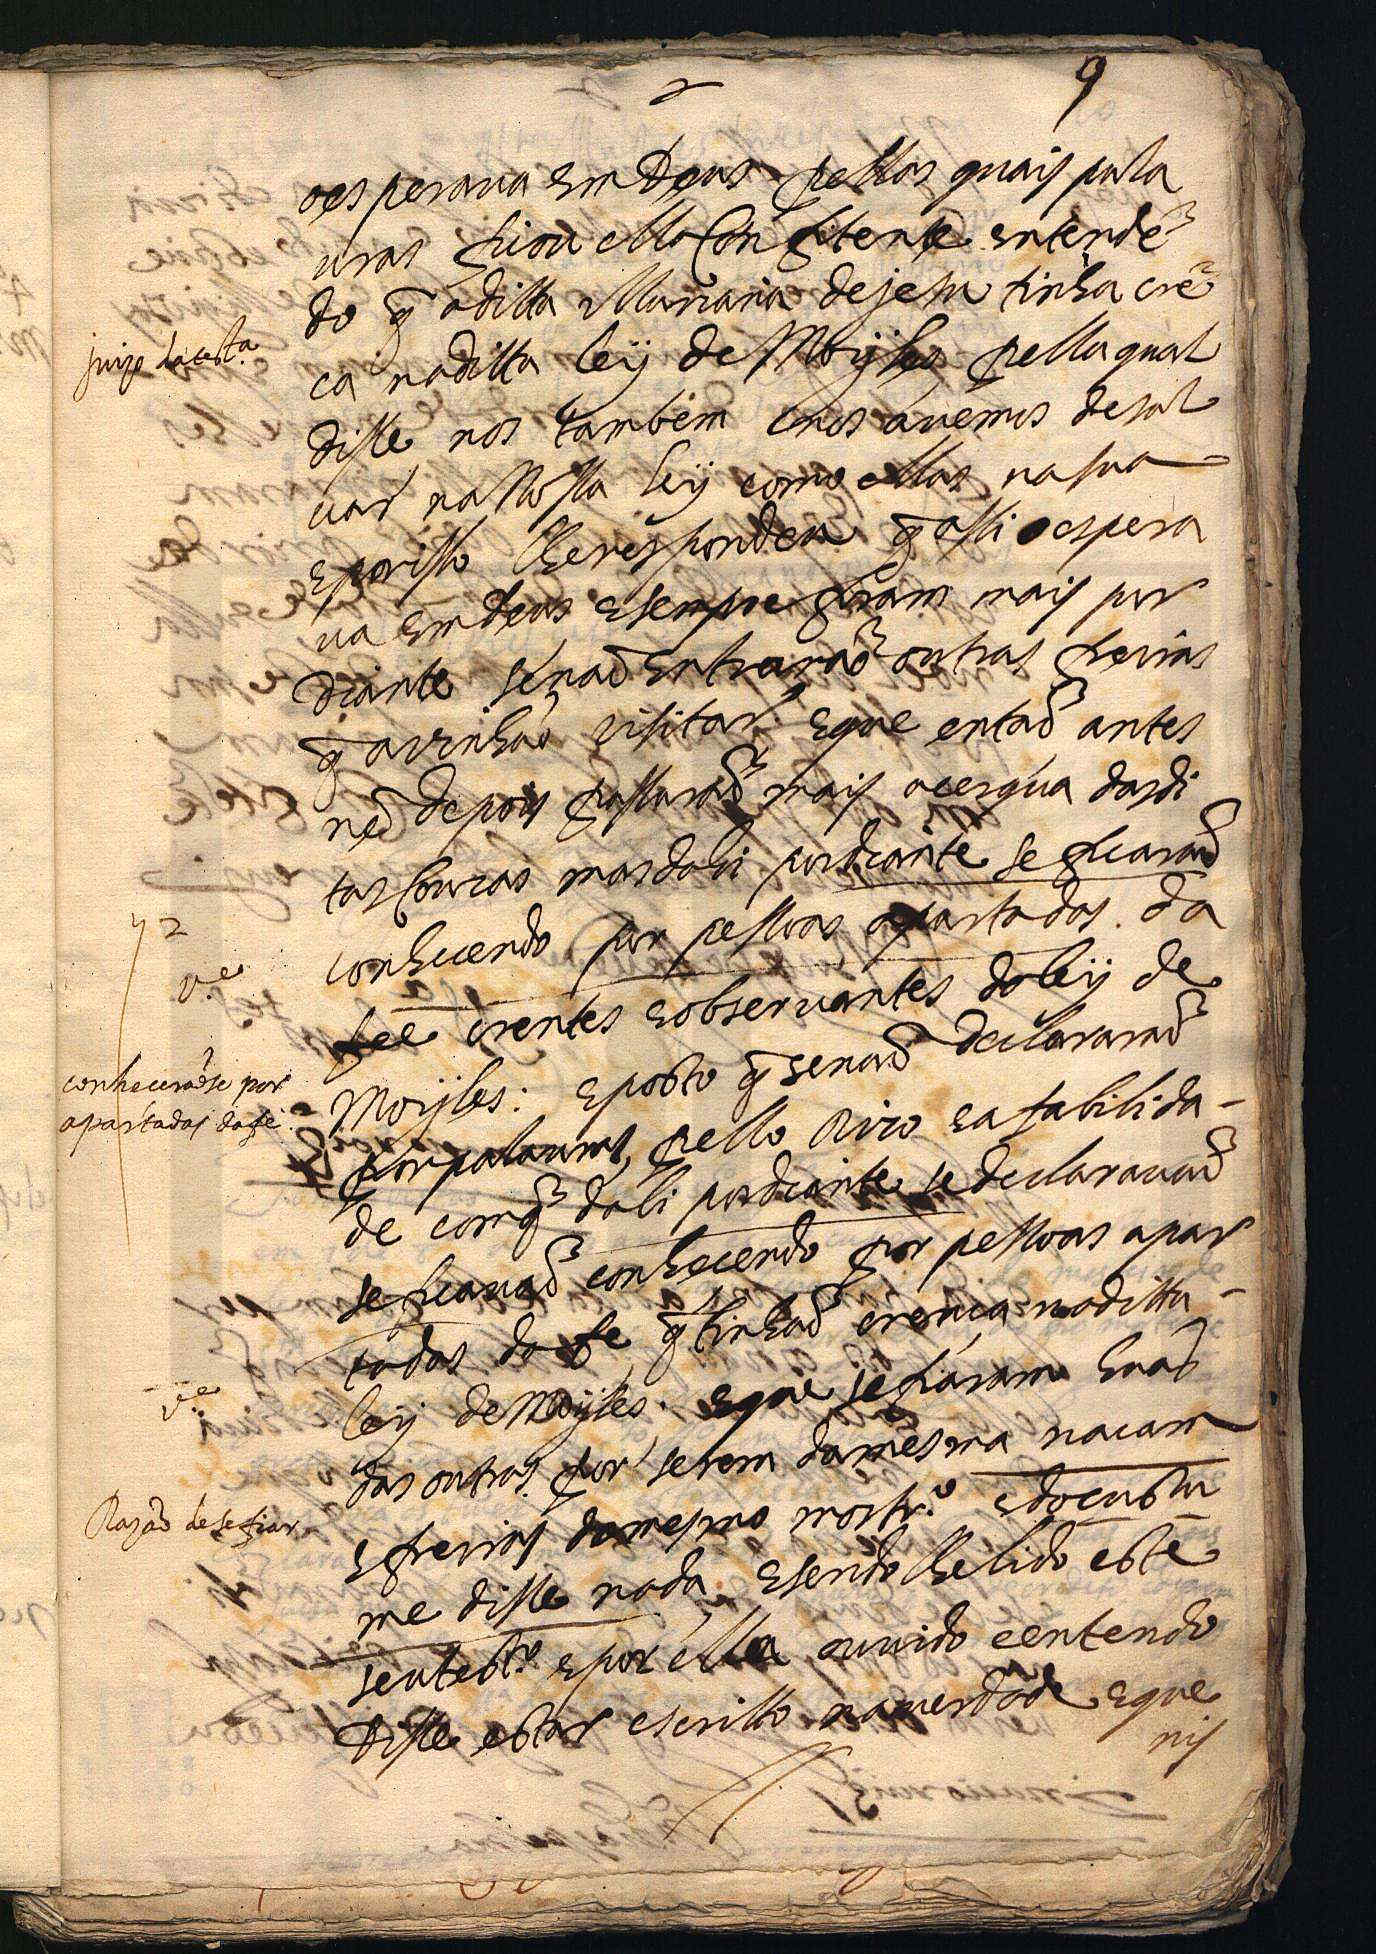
juizo da test.a
2
V.e
conheceraõse por
apartadas da fe.
V.e
Razaõ de se fiar
9
o esperaua Em Deus pellas quais pala
uras ficou ella Confitente entendē
do q̄ a ditta Mariana de jesu tinha crē
ça na ditta ley de Moyses, pella qual
disse, nos tambem nos auemos de sal
uar na Nossa ley como ellas na sua
E por isso lhe respondeu q̄ assi o espera
ua Em Deus, E sempre foram mais por
diante se naõ Entraraõ outras freiras
q̄ a vinhaõ visitar E que entaõ, antes
nē depois passaraõ mais acerqua das di
tas Couzas mas dahi por diante se ficaraõ
conhecendo por pessoas apartadas da
fee crentes E obseruantes da ley de
moyses: E posto q̄ se naõ declararaõ
por palauras, pello Rizo e afabilida
de com q̄ dali por diante se declarauaõ
se ficauaõ conhecendo por pessoas apar
tadas da fe, q̄ tinhaõ crença na ditta
ley de Moyses; E que se fiaram huas̄
das outras por serem da mesma nacam
E freiras do mesmo mostr.o e do custu
me disse nada. E sendo lhe lido este
seu test.o E por ella ouuido e entendo
Disse estar escritto na uerdade E que
nis
